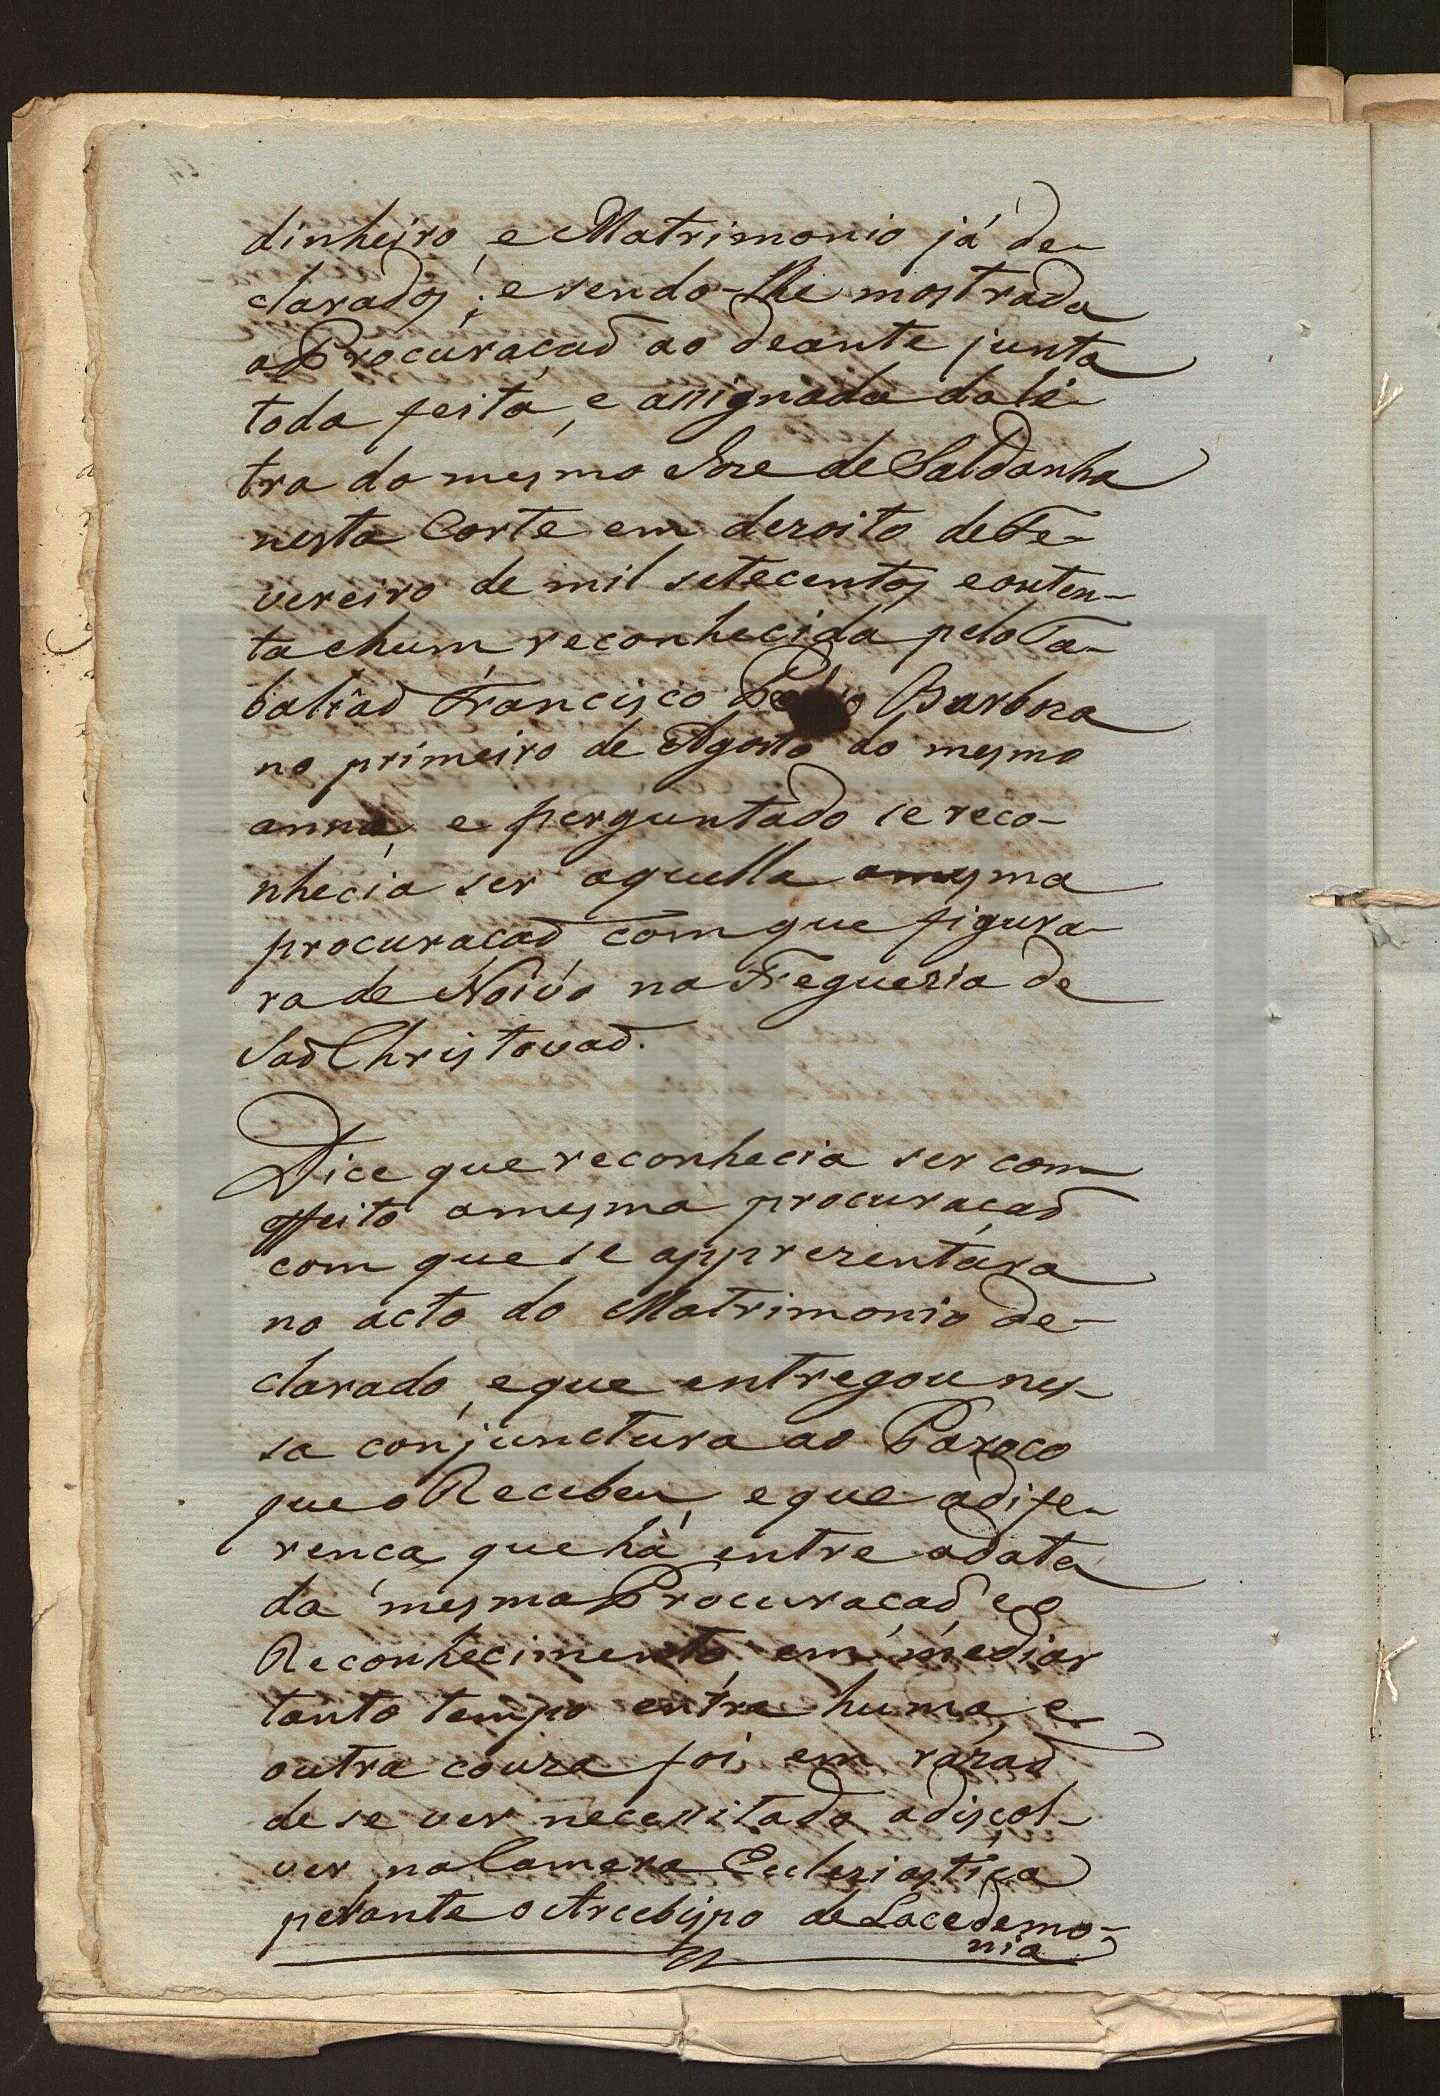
dinheiro, e Matrimonio já de
clarados ; e sendo-lhe mostrada
a Procuração aodeante junta
toda feita, e assignada da le
tra do mesmo Ioze de Saldanha
nesta Corte em dezoito de Fe
vereiro de mil setecentos e outen
ta e hum, reconhecida pelo Ta
baliaõ Francisco Pe_o Barboza
no primeiro de Agosto do mesmo
anno, e perguntado se reco
nhecia ser aquella a mesma
procuraçaõ com que figura
ra de Noivo na Freguezia de
São Christovaõ.
Dice que reconhecia ser com
effeito a mesma procuraçaõ
com que se apprezentara
no acto do Matrimonio de
clarado, e que entregou nes
sa conjunctura ao Paroco
que o Recebeu e que a dife
rença que hà entre a data
da mesma Procuração e o
Reconhecimento; em mediar
tanto tempo entre huma, e
outra couza foi em razaõ
de se ver necessitado a disçol
ver na Camera Eccleziastica
perante o Arcebispo de Lacedemo
nia
